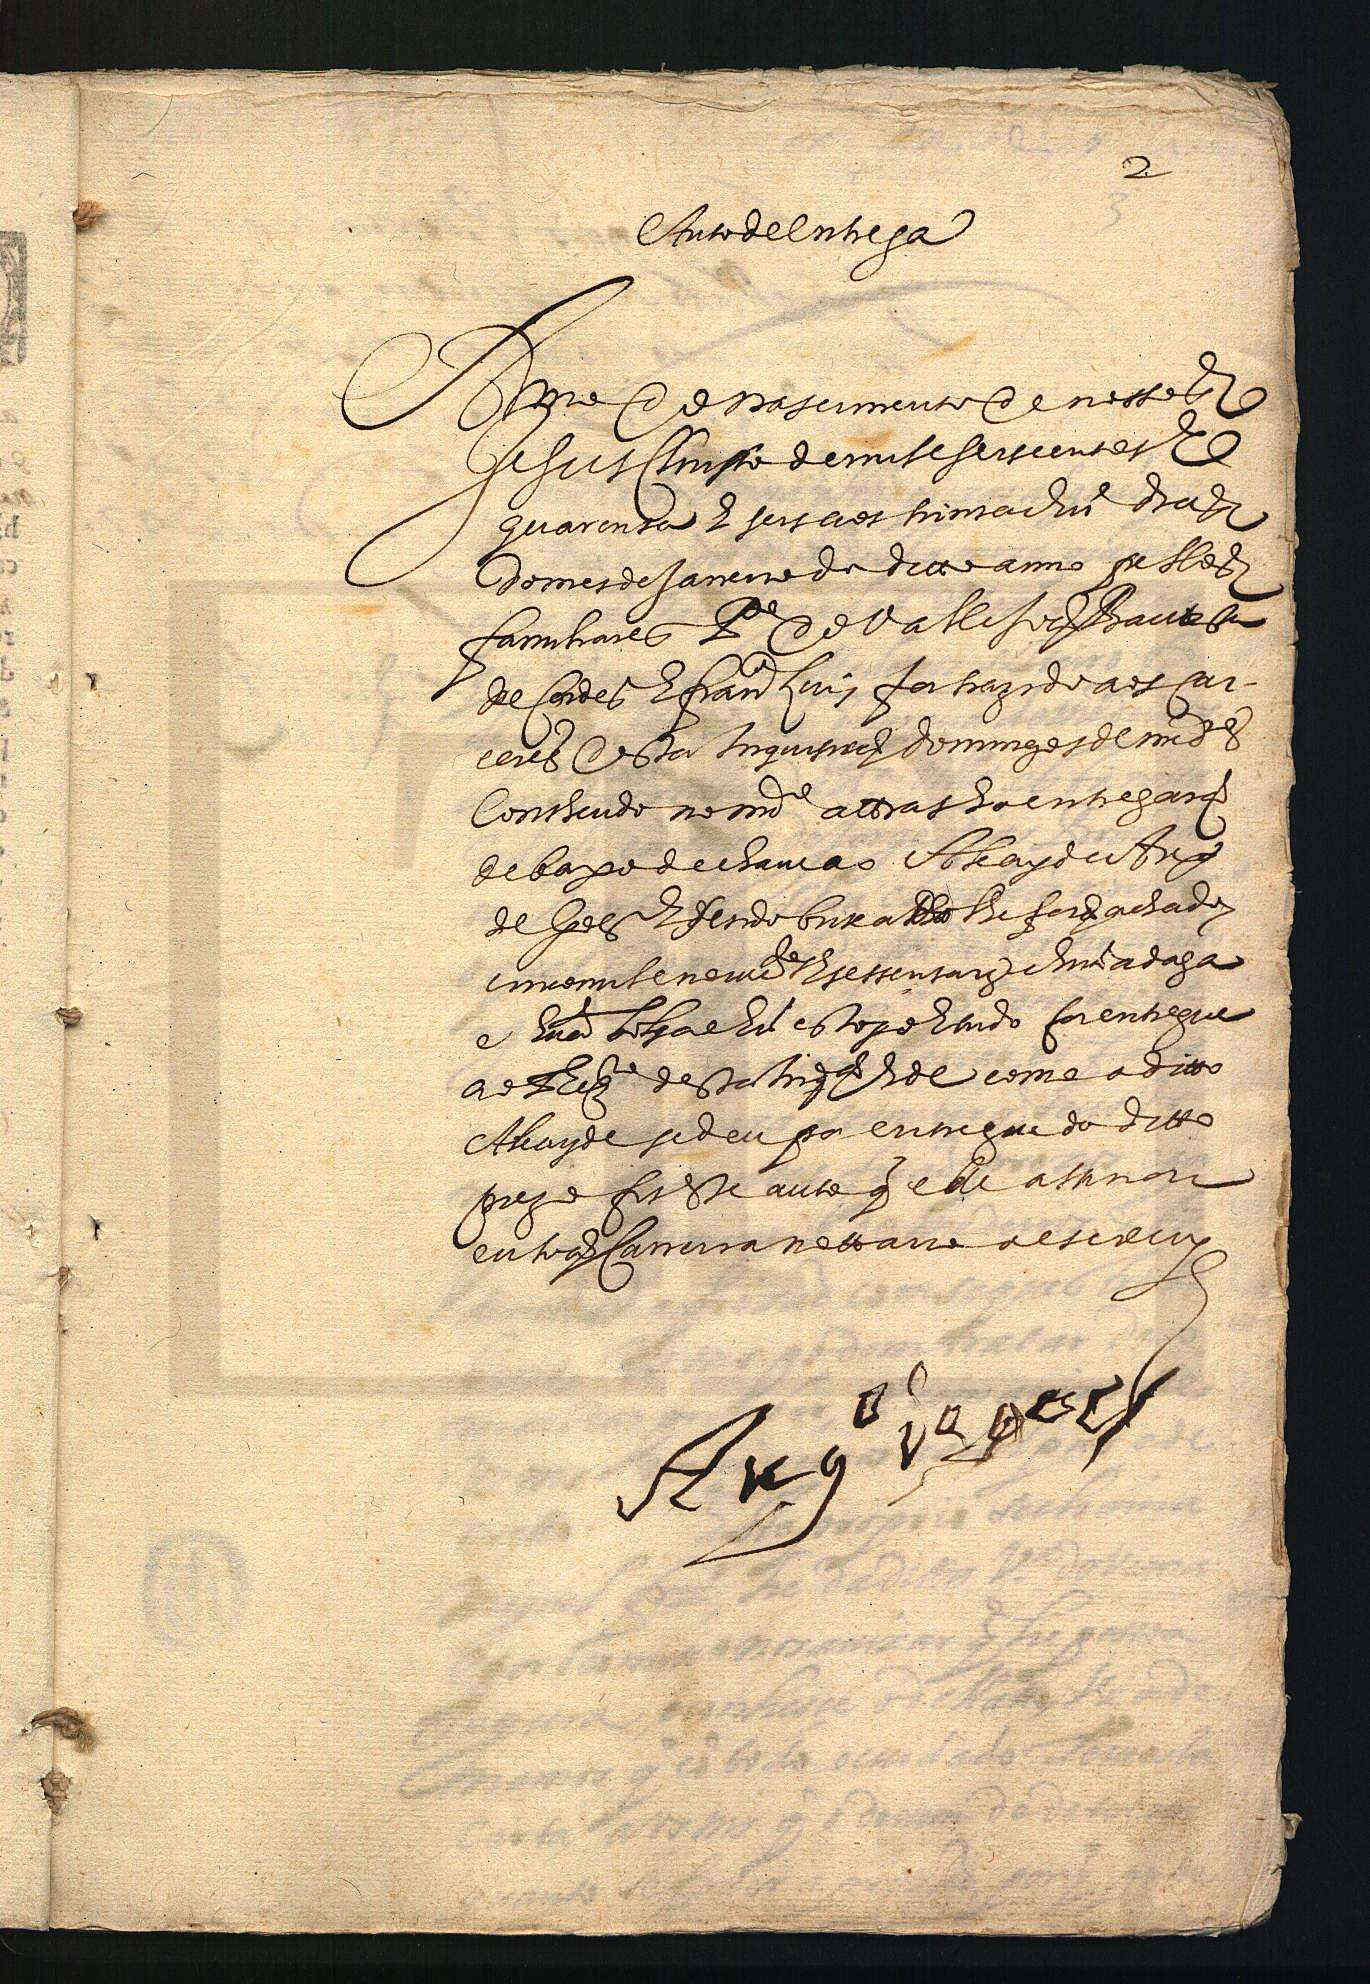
Auto de entrega
Anno do nascimento de nosso sor
Jesus Christo de mil e seiscentos E
quarenta E seis aos trinta e hū dias
do mes de Janeiro do ditto anno pellos
familiares Po do valle Joaõ Bautista
de Cordes E Franco Luis foi trazido aos Car
ceres desta Inquisicaõ domingos de medros
Contheudo no mdo attras E o entregaraõ
debaxo de chaue ao Alcayde Augo
de Goes E sendo busca_ lhe foraõ achados
cinco mil e nouectos E sessenta rs̄ e huā adaga
e huā bolsa e hū estojo E tudo foi entregue
ao Thezro desta Inqaõ E de como o ditto
Alcayde se deu por entregue do ditto
prezo foi este auto q̄ elle assinou
eu Ioaõ Carreira nottario o escreuy
